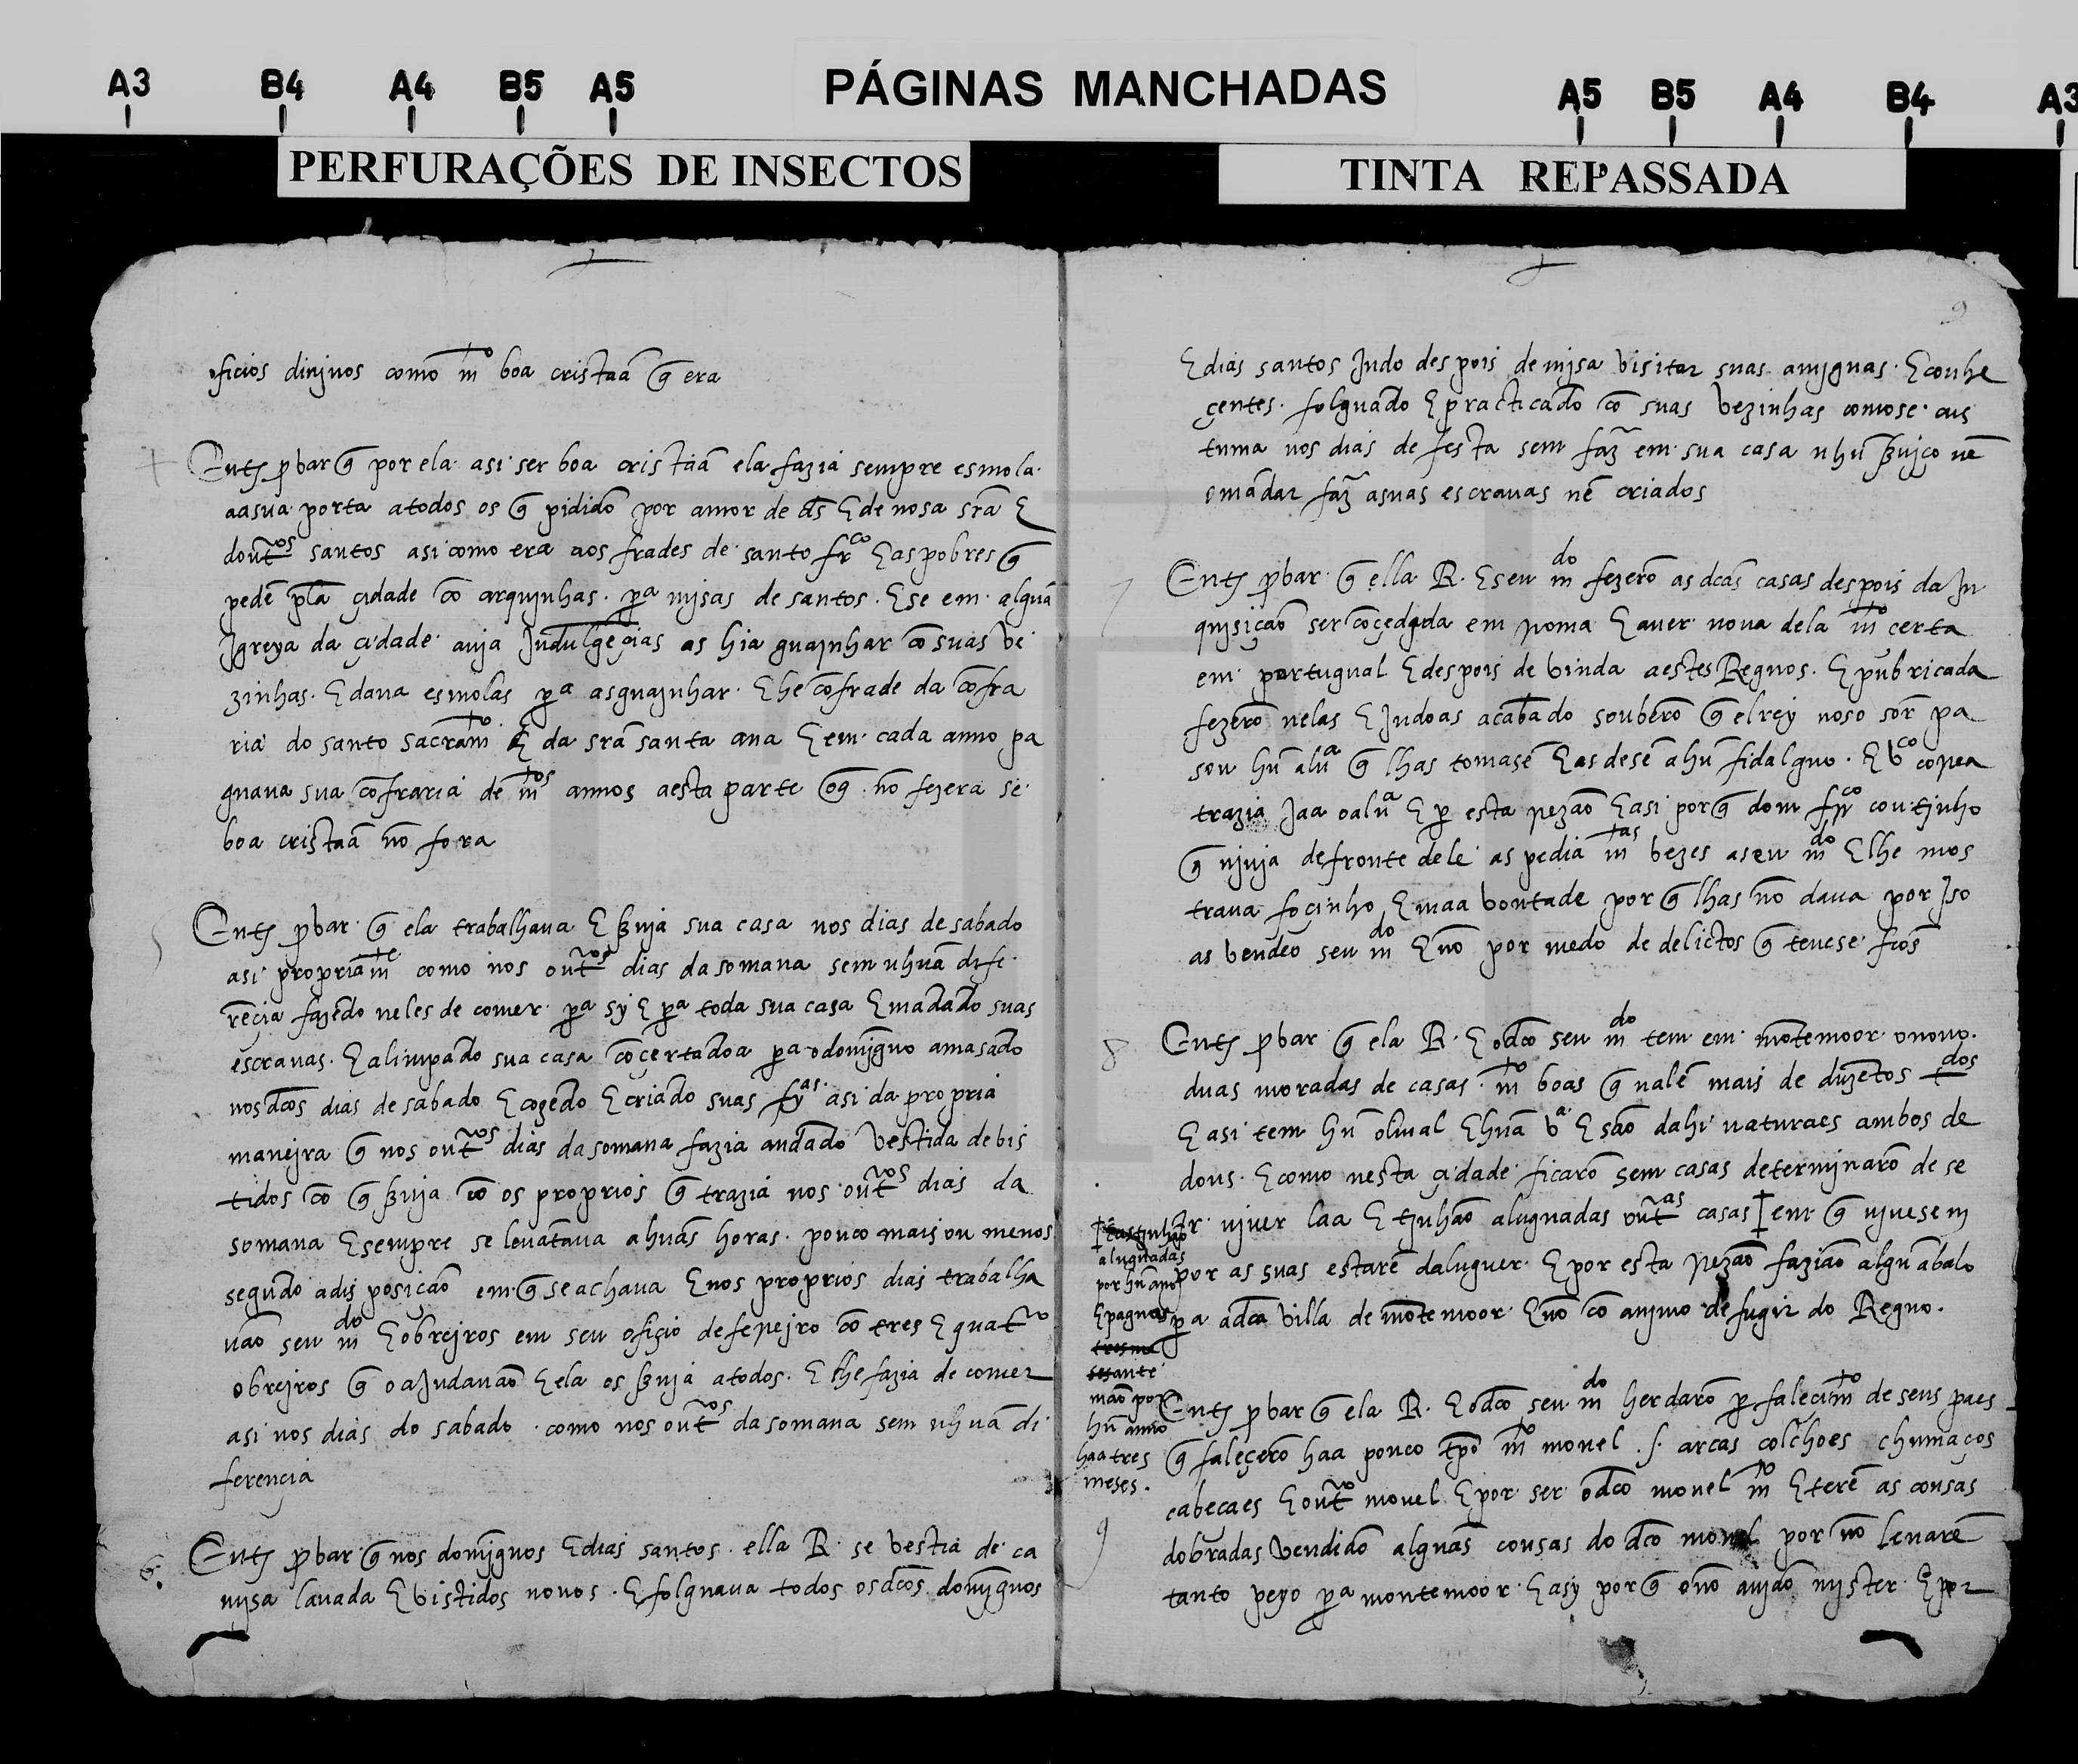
oficios diujnos como mto boa cristaā q̄ era
4 Entꝭ ꝓvar q̄ por ela asi ser boa cristaā ela fazia sempre esmola
aa sua porta a todos os q̄ pidiaõ por amor de d̄s E de nosa srā E
doutros santos asi como era aos frades de santo frco E as pobres q̄
pedē p̄la cidade c̄o arquinhas . ꝑa mjsas de santos . E se em alguā
Jgreya da cidade auja Jndulgēcias as hia guajnhar cō suas ve
zinhas. E daua esmolas ꝑa as guajnhar . E he c̄ofrade da c̄ofra
ria do santo sacramto E da srā santa ana E em . cada anno pa
guaua sua c̄ofraria de mtos annos a esta parte o q̄ nō fezera se
boa cristaā n̄o fora
5 Entꝭ ꝓvar q̄ ela trabalhaua E ꞩuja sua casa nos dias de sabado
asi propriamte como nos outros dias da somana sem nhūa dife
r̄ecia fazēdo neles de comer ꝑa sy E ꝑa toda sua casa E mādādo suas
escrauas. E alimpādo sua casa c̄ocertādoa ꝑa o domj̄guo amasādo
nos d̄cos dias de sabado E cozēdo E criādo sua fyas asi da propria
manejra q̄ nos outros dias da somana fazia andādo vestida de vis
tidos c̄o q̄ ꞩuja c̄o os proprios q̄ trazia nos outros dias da
somana E sempre se leuātaua a huās horas . pouco mais ou menos
segūdo a disposiçaõ em q̄ se achaua E nos proprios dias trabalha
uão seu mdo E obrejros em seu oficio de ferrejro c̄o tres E quatro
obrejros q̄ o aJudauão E ela os ꞩuja a todos. E lhe fazia de comer
asi nos dias do sabado como nos outros da somana sem nhuā di
ferencia
6 Entꝭ ꝓvar q̄ nos domj̄guos E dias santos ella R. se vestia de ca
mjsa lauada E vistidos nouos . E folguaua todos os dc̄os domj̄guos
E as tjnhão
aluguadas
por hū ano
E paguas
tres me
ses ante
maõ por
hū anno
haa tres
meses.
E dias santos Jndo despois de mjsa visitar suas amjguas. E conhe
centes. folguādo E practicādo c̄o suas vezinhas como se cus
tuma nos dias de festa sem faz̄ em sua casa nhū ꞩujço nē
o mādar faz̄ a suas escrauas nē criados
7 Entꝭ ꝓvar q̄ ella R. E seu mdo fezerō as dcas̄ casas despois da Jn
qujsiçaõ ser c̄ocedjda em rroma E auer noua dela mto certa
em portugual E despois de vinda a estes Regnos. E pubricada
fezerō nelas E Jndo as acabādo souberō q̄ el rey noso sor̄ pa
sou hū alua q̄ lhas tomasē E as desē a hū fidalguo . E vco correa
trazia Jaa o alua E ꝑ esta rrezão E asi porq̄ dom frrco coutjnho
q̄ ujuja defronte dele as pedia mtas vezes a seu mdo E lhe mos
traua focinho E maa vontade porq̄ lhas n̄o daua por Jso
as vendeo seu mdo E n̄o por medo de delictos q̄ teuese fcos̄
8 Entꝭ ꝓvar q̄ ela R. E o d̄co seu mdo tem em mōtemoor o nouo
duas moradas de casas mto boas q̄ ualē mais de de duzētos +dos
E asi tem hū oliual E huā va E saõ dahi naturaes ambos de
dous. E como nesta cidade ficarō sem casas determjnarō de se
Jr ujuer laa E tjnhão aluguadas outras casas em q̄ ujuesem
por as suas estarē daluguer. E por esta rrezão fazião algū abalo
ꝑa a d̄ca villa de mōtemoor E n̄o c̄o anjmo de fugir do Regno.
Entꝭ ꝓvar q̄ ela R. E o d̄co seu mdo herdarō ꝑ falecimto de seus paes
q̄ falecerō haa pouco t̄po mto mouel .s. arcas colchoes chumaços
cabeçaes E outro mouel E por ser o d̄co mouel mto E terē as cousas
9
dobradas vendiaõ alguās cousas do d̄co mouel por n̄o leuarē
tanto peyo ꝑa montemoor . E asy porq̄ o n̄o aujaõ mjster E por
